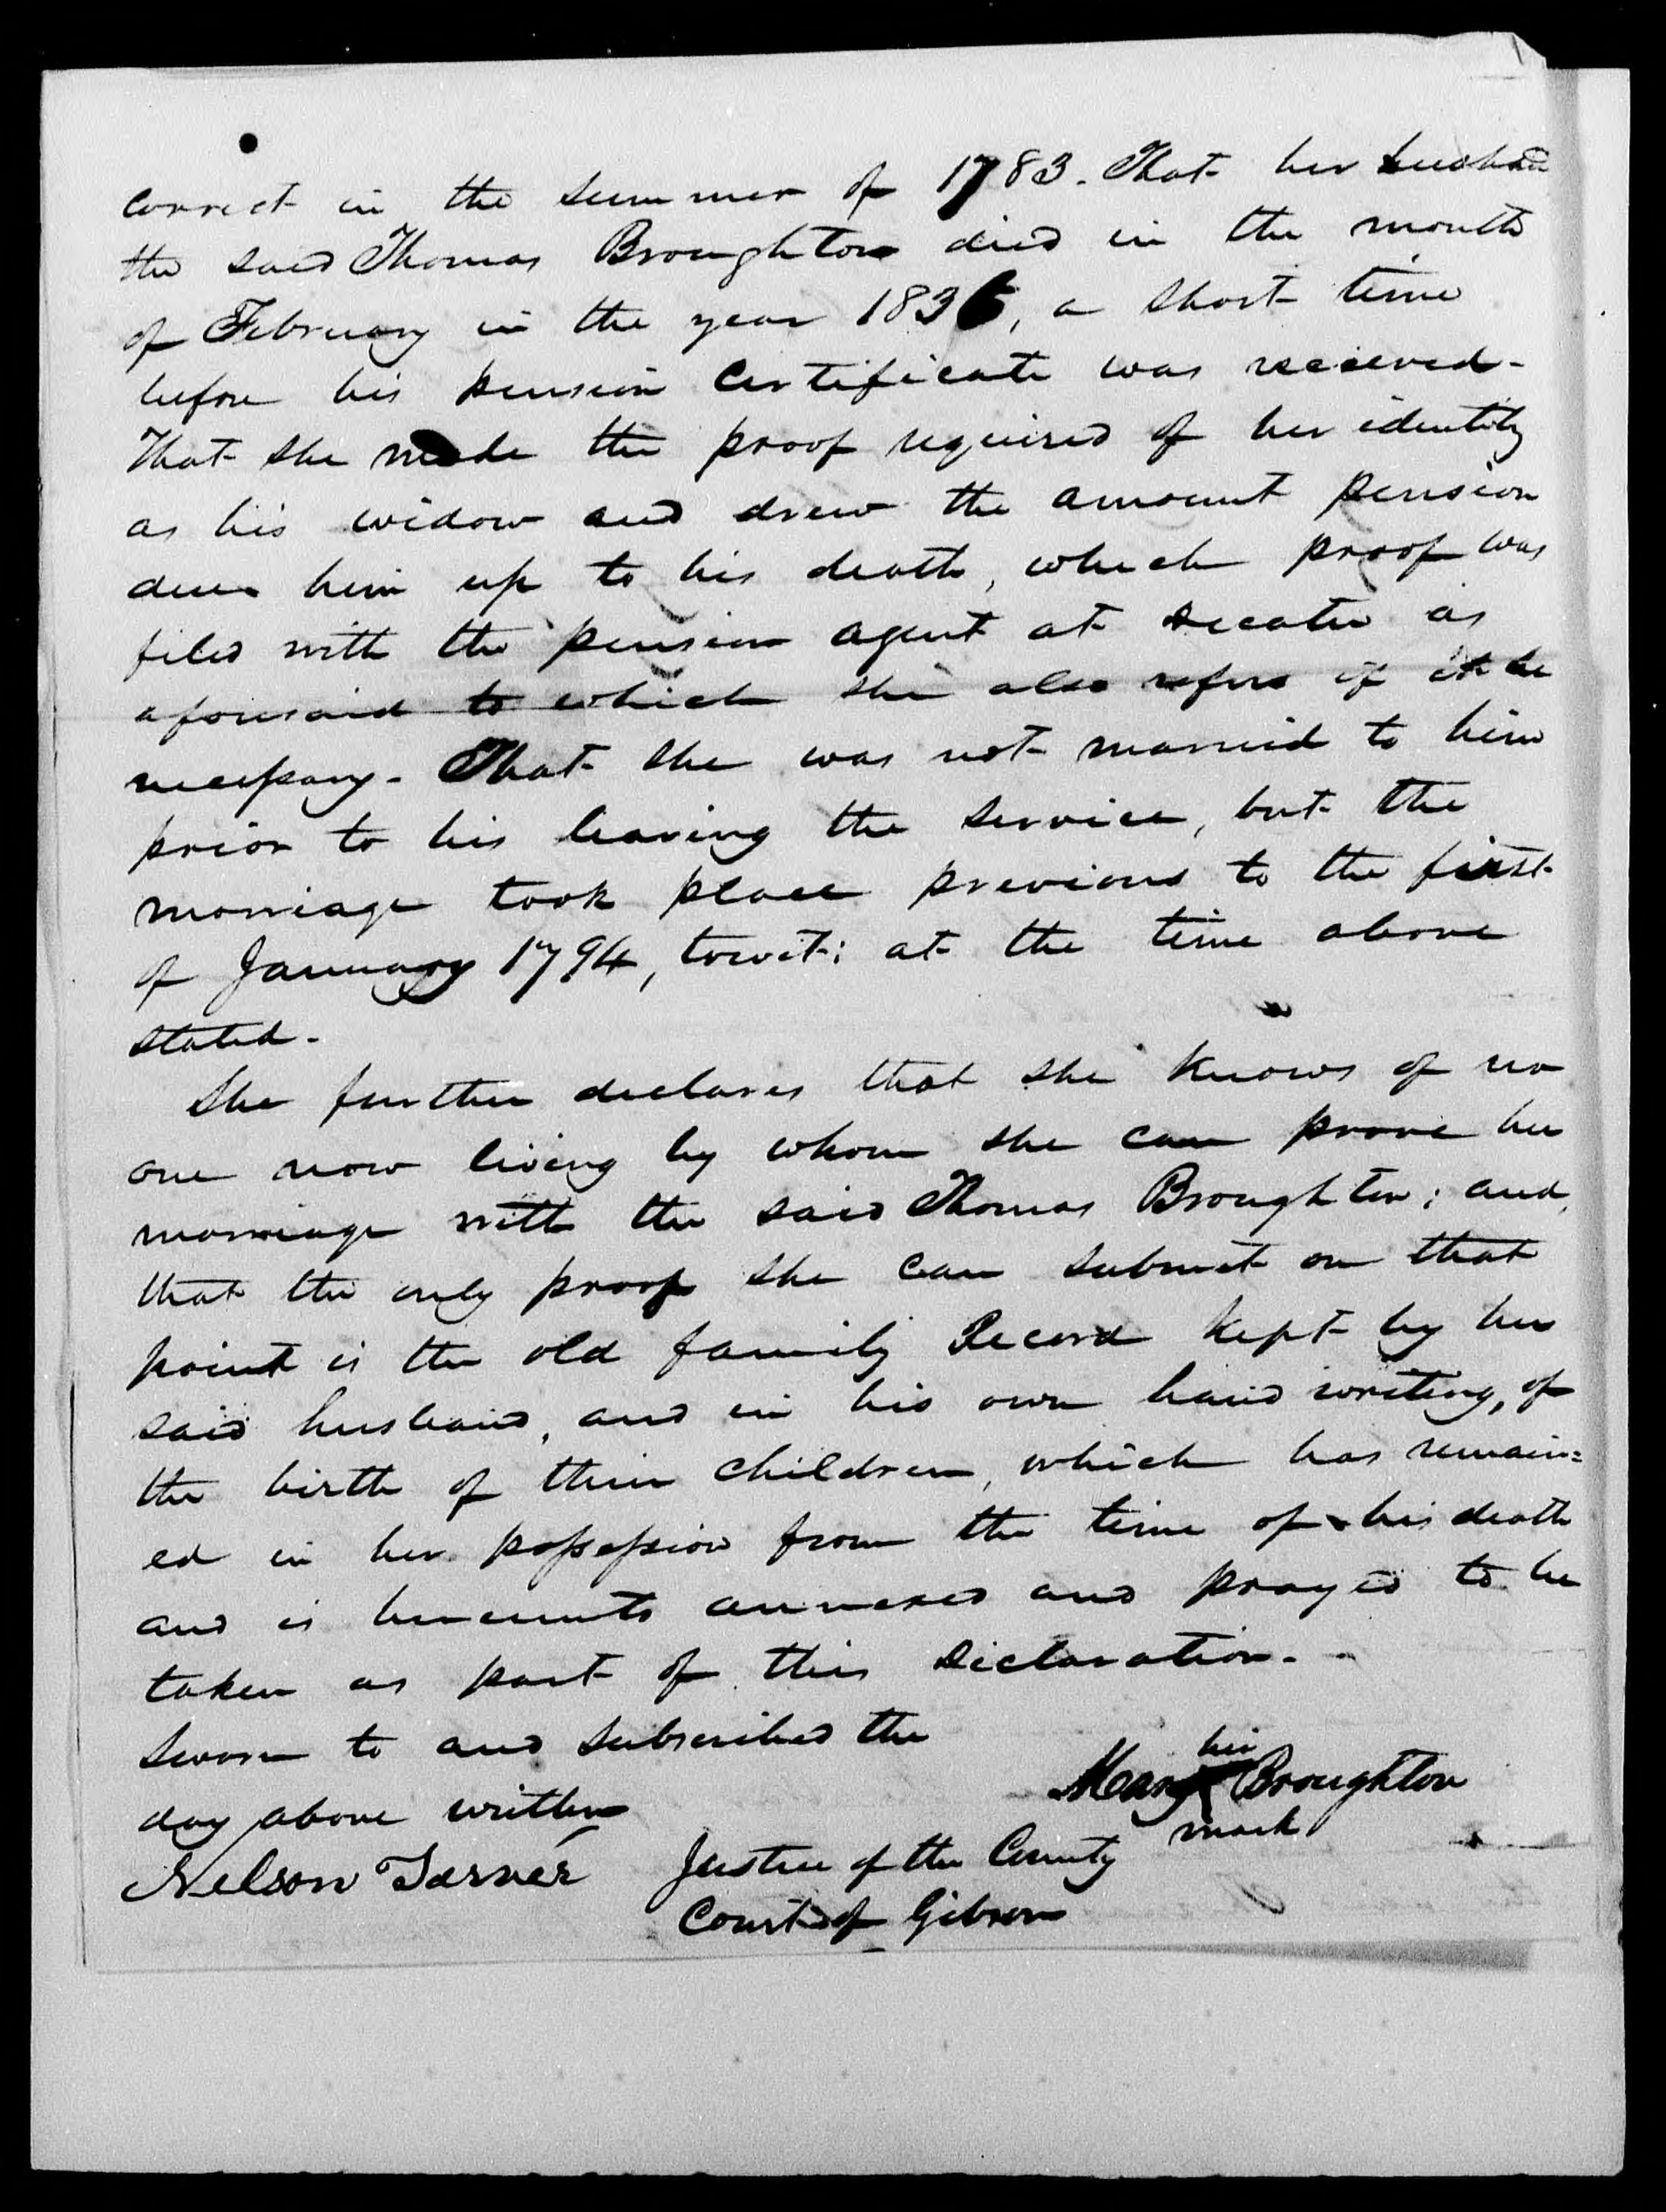correct in the summer of 1783. That her husband
the said Thomas Broughton died in the month
of February in the year 1836, a short time
before his pension certificate was received
That she made the proof required of her identity
as his widow and drew the amount pension
due him up to his death, which proof was
filed with the pension agent at Decatur as
aforesaid to which she also refers if it be 
necessary. That she was not married to him
prior to his leaving the service, but the
marriage took place previous to the first
of January 1794, towit: at the time above
stated
She further declares that she knows of no
one now living by whom she can prove her
marriage with the said Thomas Broughton and
that the only proof she can submit on that
point is the old family record kept by her
said husband, and in his own hand writing of
the birth of their children, which has remained in her possession from the time of his death
and is hereunto annexed and pray is to be
taken as part of this declaration
Sworn to and subscribed the
day above written
Mary her X mark Broughton
Nelson Turner
Justice of the County
Court of Gibson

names: Thomas Broughton, Nelson Tarver, Mary Broughton, Thomas Broughton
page: 16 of 72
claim: widow's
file: W. 897, Thomas Broughton, S.C.